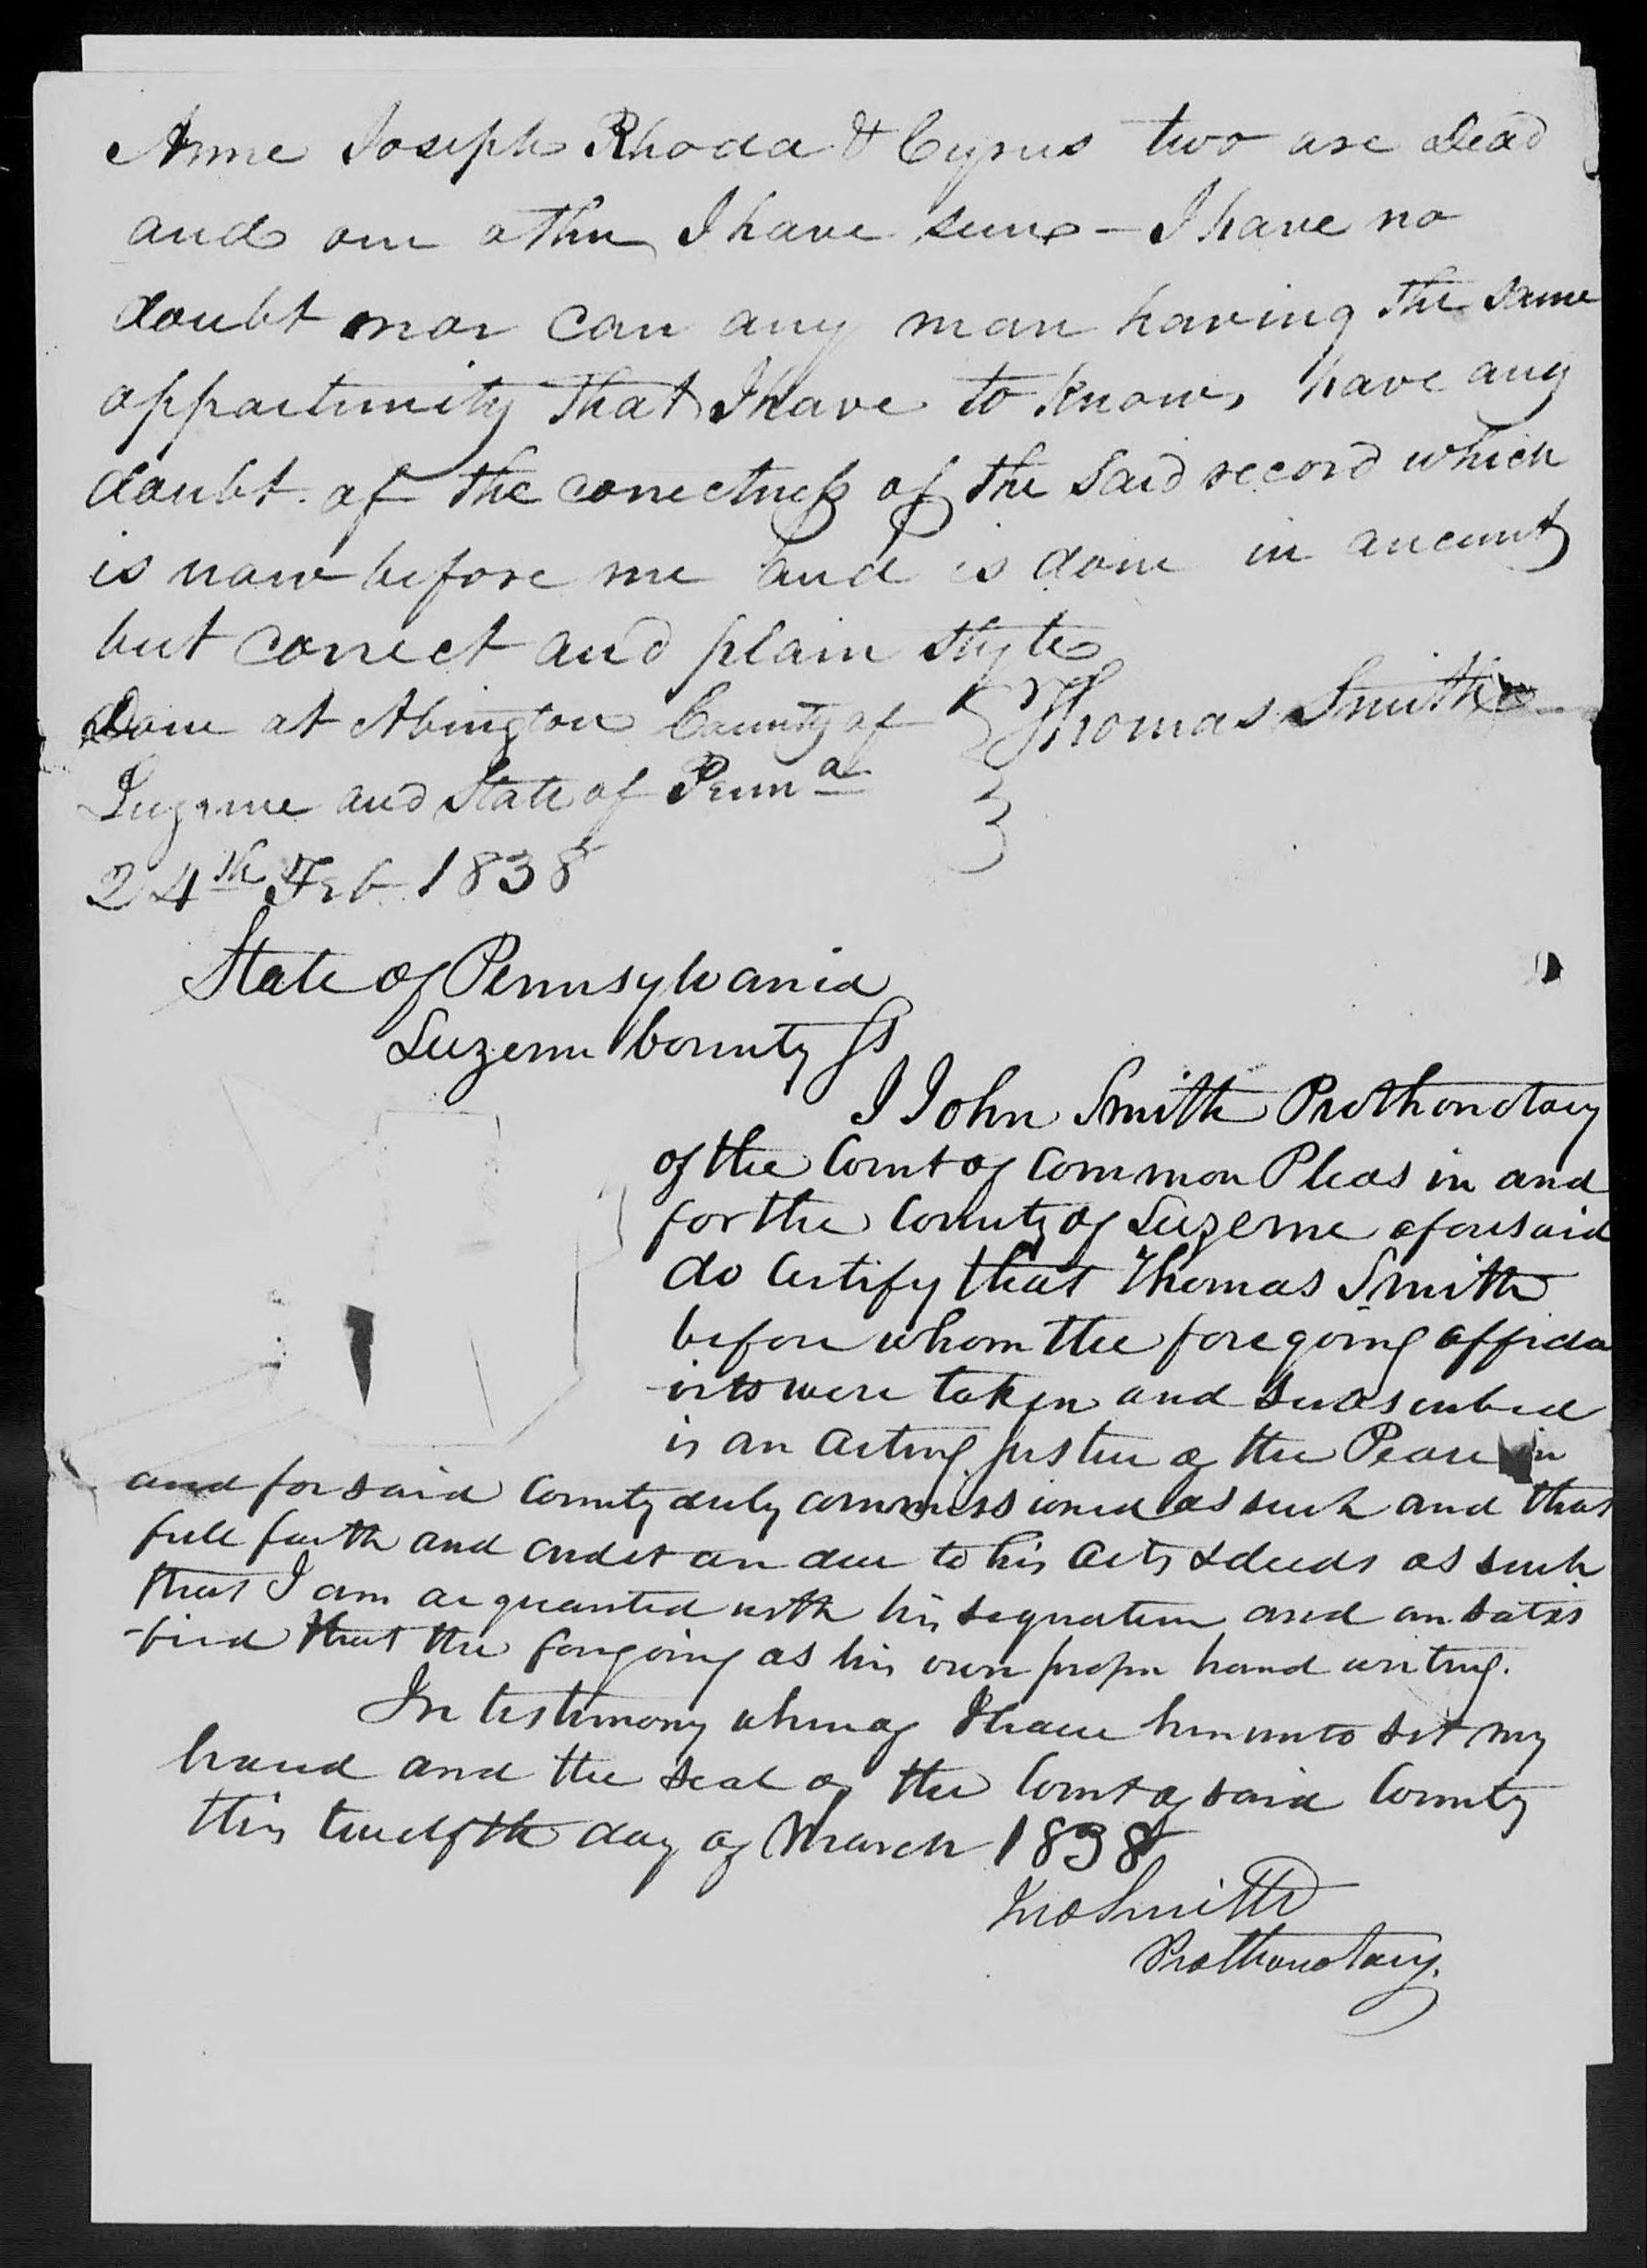Anne Joseph Rhoda & Cyrus two are dead and one other I have seen. I have no doubt [illegible] can any man having the same opportunity that I have to know, have any doubt of the correctness of the said record which is now before me and is done in account but correct and plain style.
Thomas Smith
Done at Abington County of Luzerne and state of Penna. 24th Feb 1838

State of Pennsylvania Luzern County ss
I John Smith Prothonotary of the Court of Common Pleas in and for the County of Luzerne aforesaid do certify that Thomas Smith before whom the foregoing affidavits were taken and subscribed is an acting Justice of the Peace in and for said county duly commissioned as such and that full faith and credit are due to his acts & deeds as such. That I am acquainted with his signature and am satisfied that the foregoing as his own proper hand writing.
In testimony whereof I have hereunto set my hand and the seal of the court of said county this twelfth day of March 1838.
Jno Smith Prothonotary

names: Thomas Smith, Joseph, Cyrus, John Smith, Anne, Jno Smith, Rhoda, Thomas Smith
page: 17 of 41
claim: widow's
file: W. 3513, Philip Colvin, R.I.